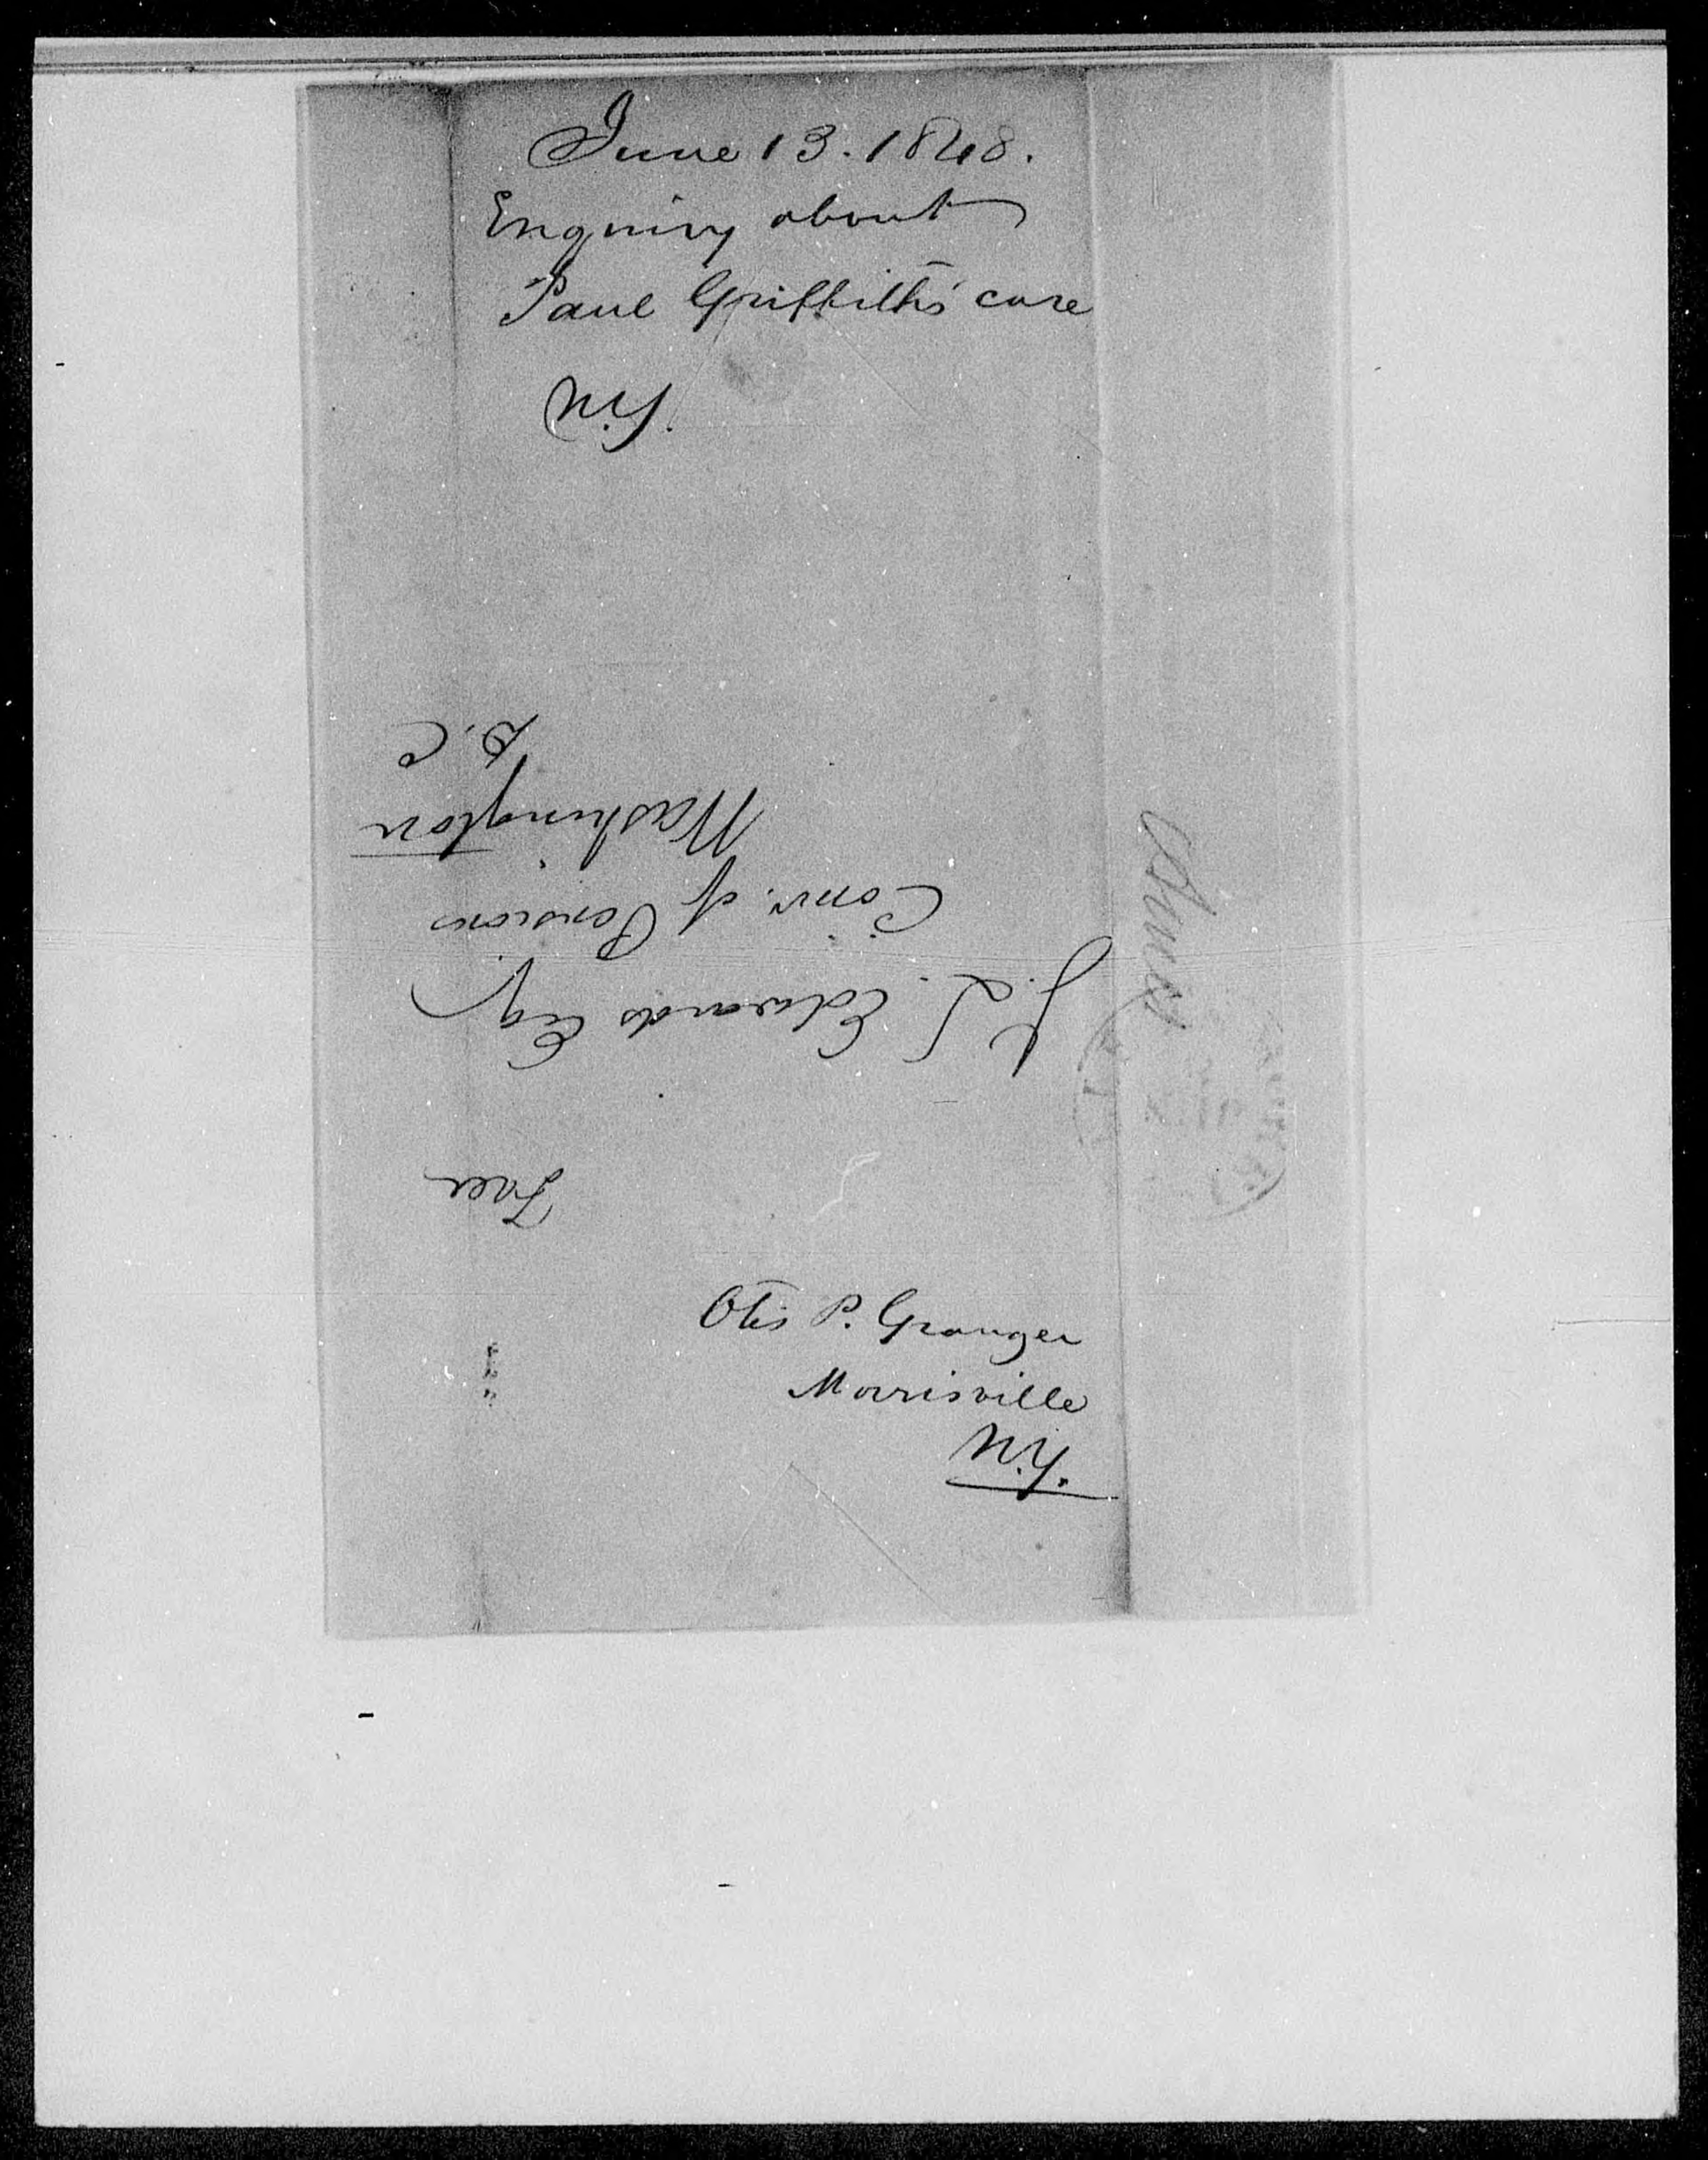June 13, 1848
Enquiry about
Paul Griffith's case
N. Y.
Otis P. Granger
Morrisville
N. Y.
Free
J. L. Edwards Esq.
Com. of Pensions
Washington D. C.
[stamp]
MORRISVILLE N. Y.
JUN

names: Paul Griffiths, Otis P Granger, J L Edwards, Ames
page: 44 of 61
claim: survivor's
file: S. 22798, Paul Griffiths, R.I.